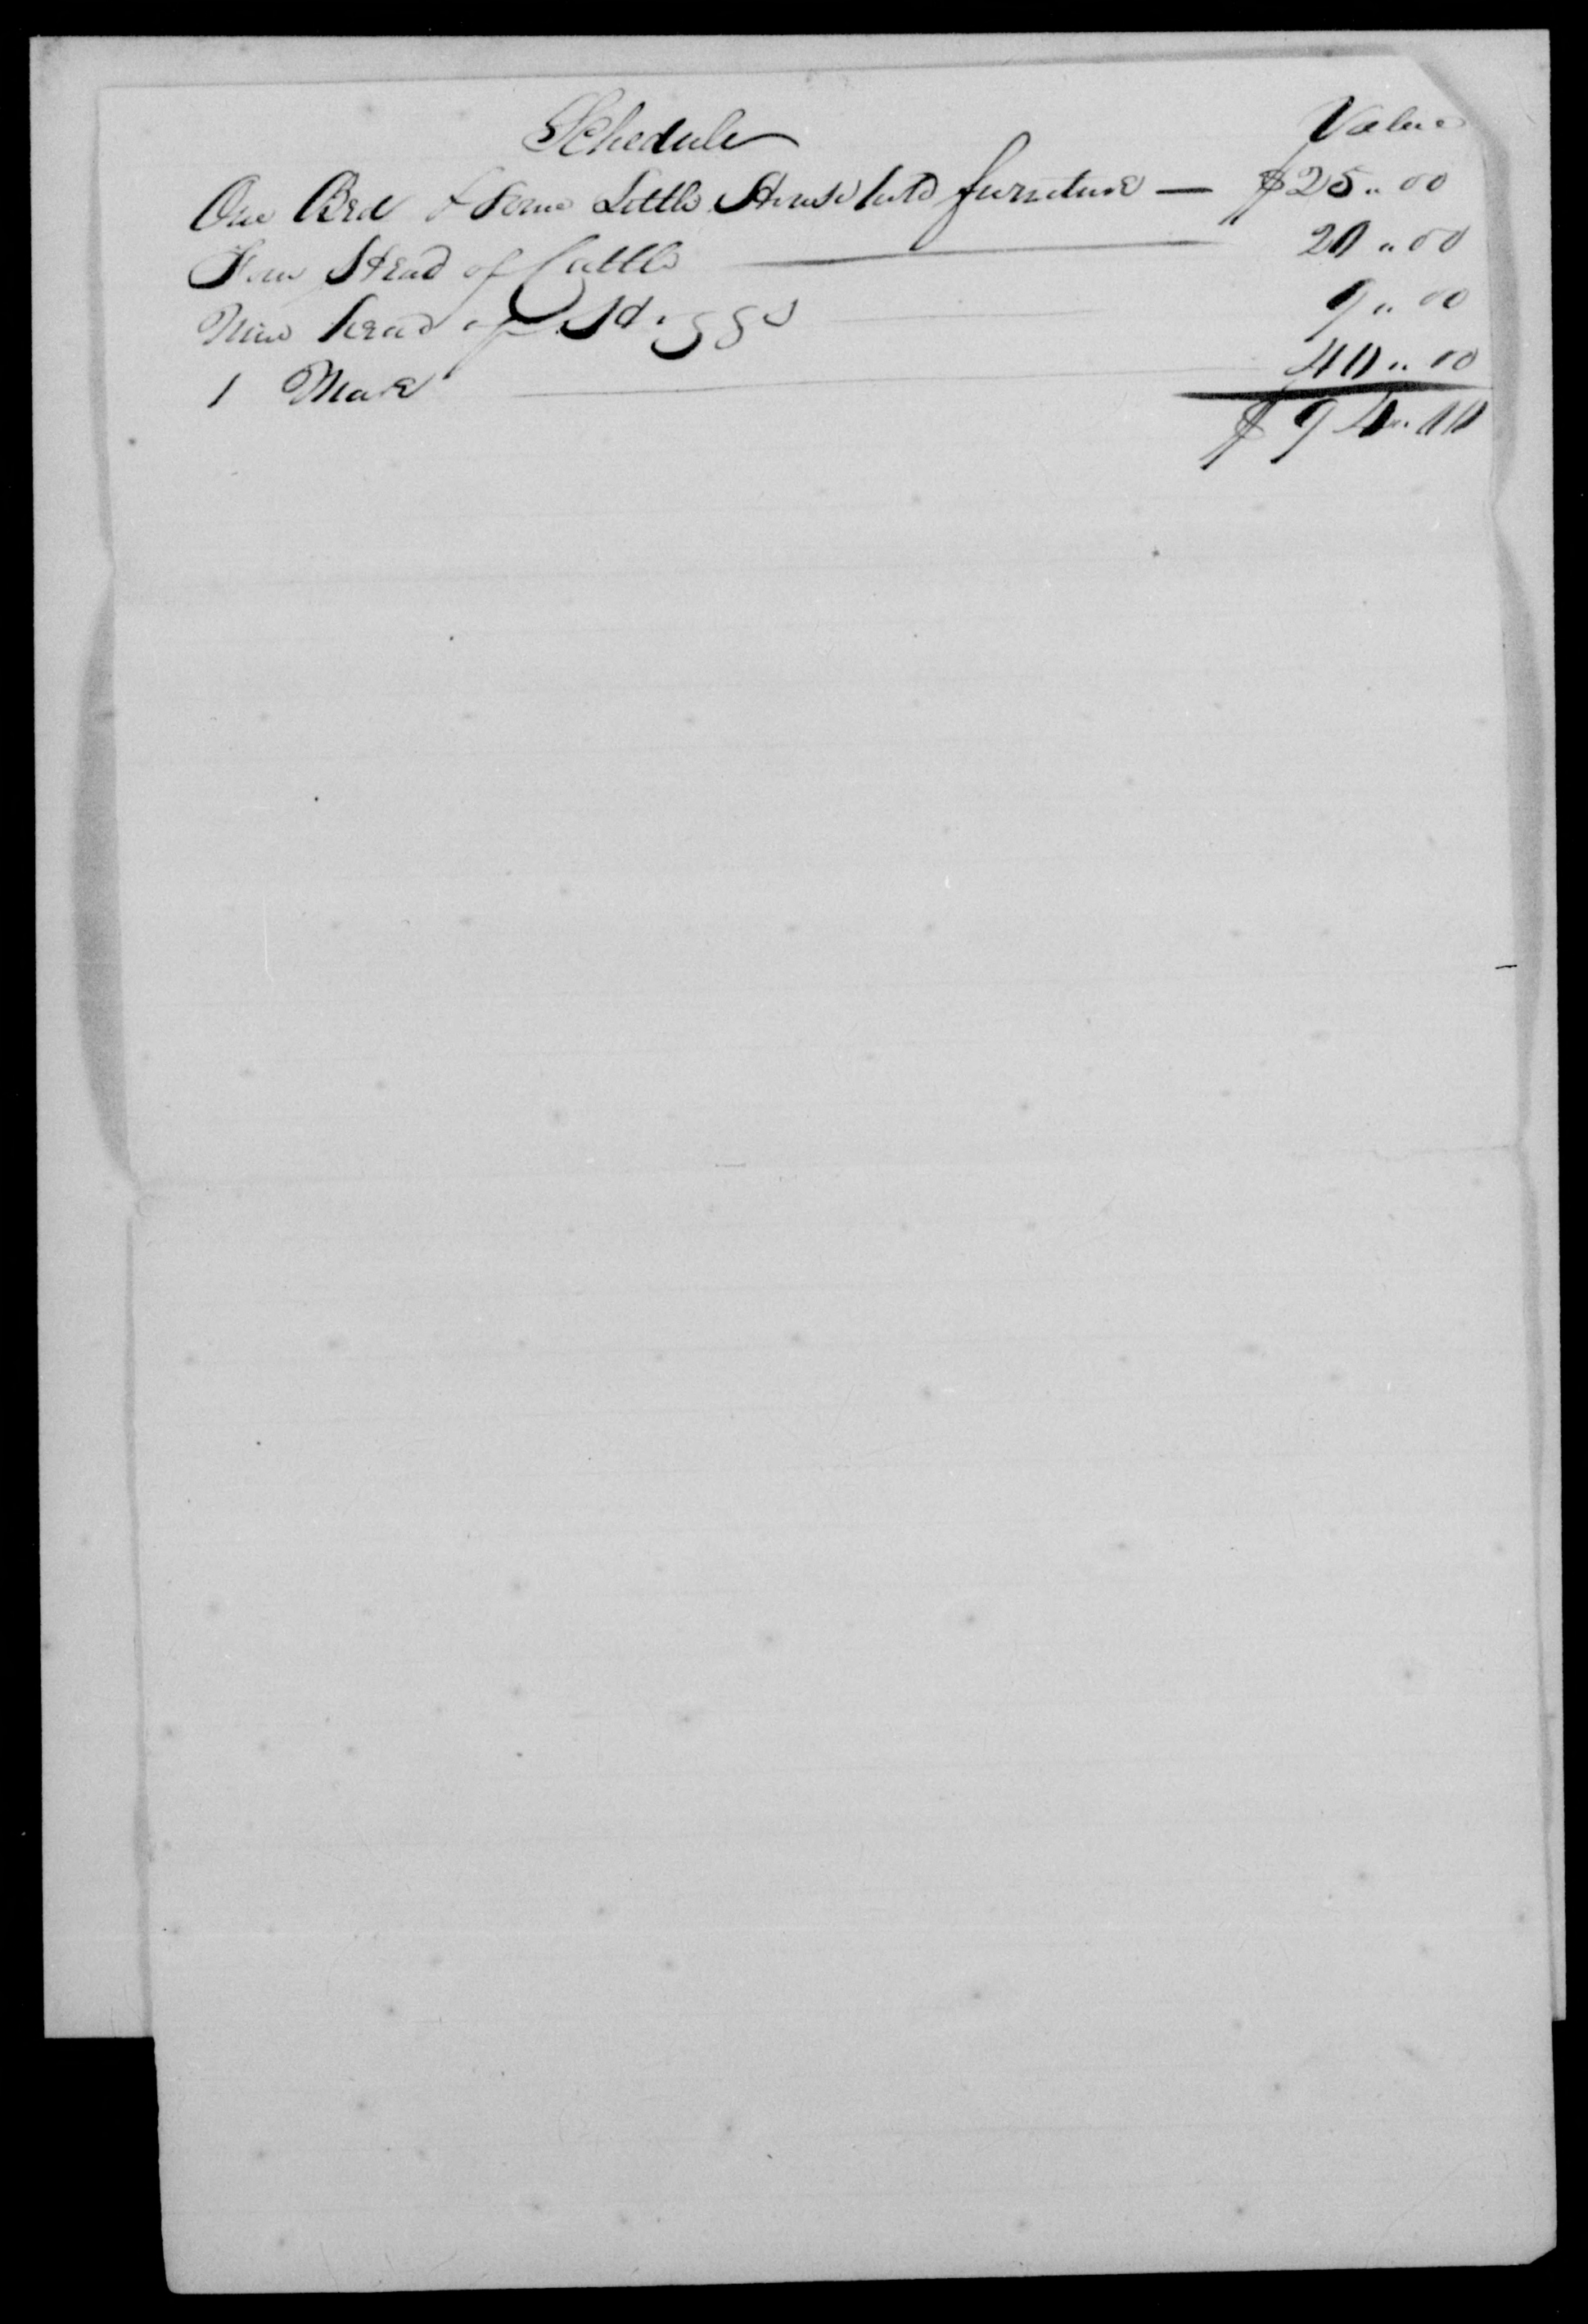Schedule Value
One Bed & some Little Household furniture
$25.00
Four Head of Cattle 20.00
Nine head of Hoggs 9.00
1 Mare 40.00
$94.00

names: [BLANK]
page: 9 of 12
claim: survivor's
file: S. 39851, for John Spears, Virginia